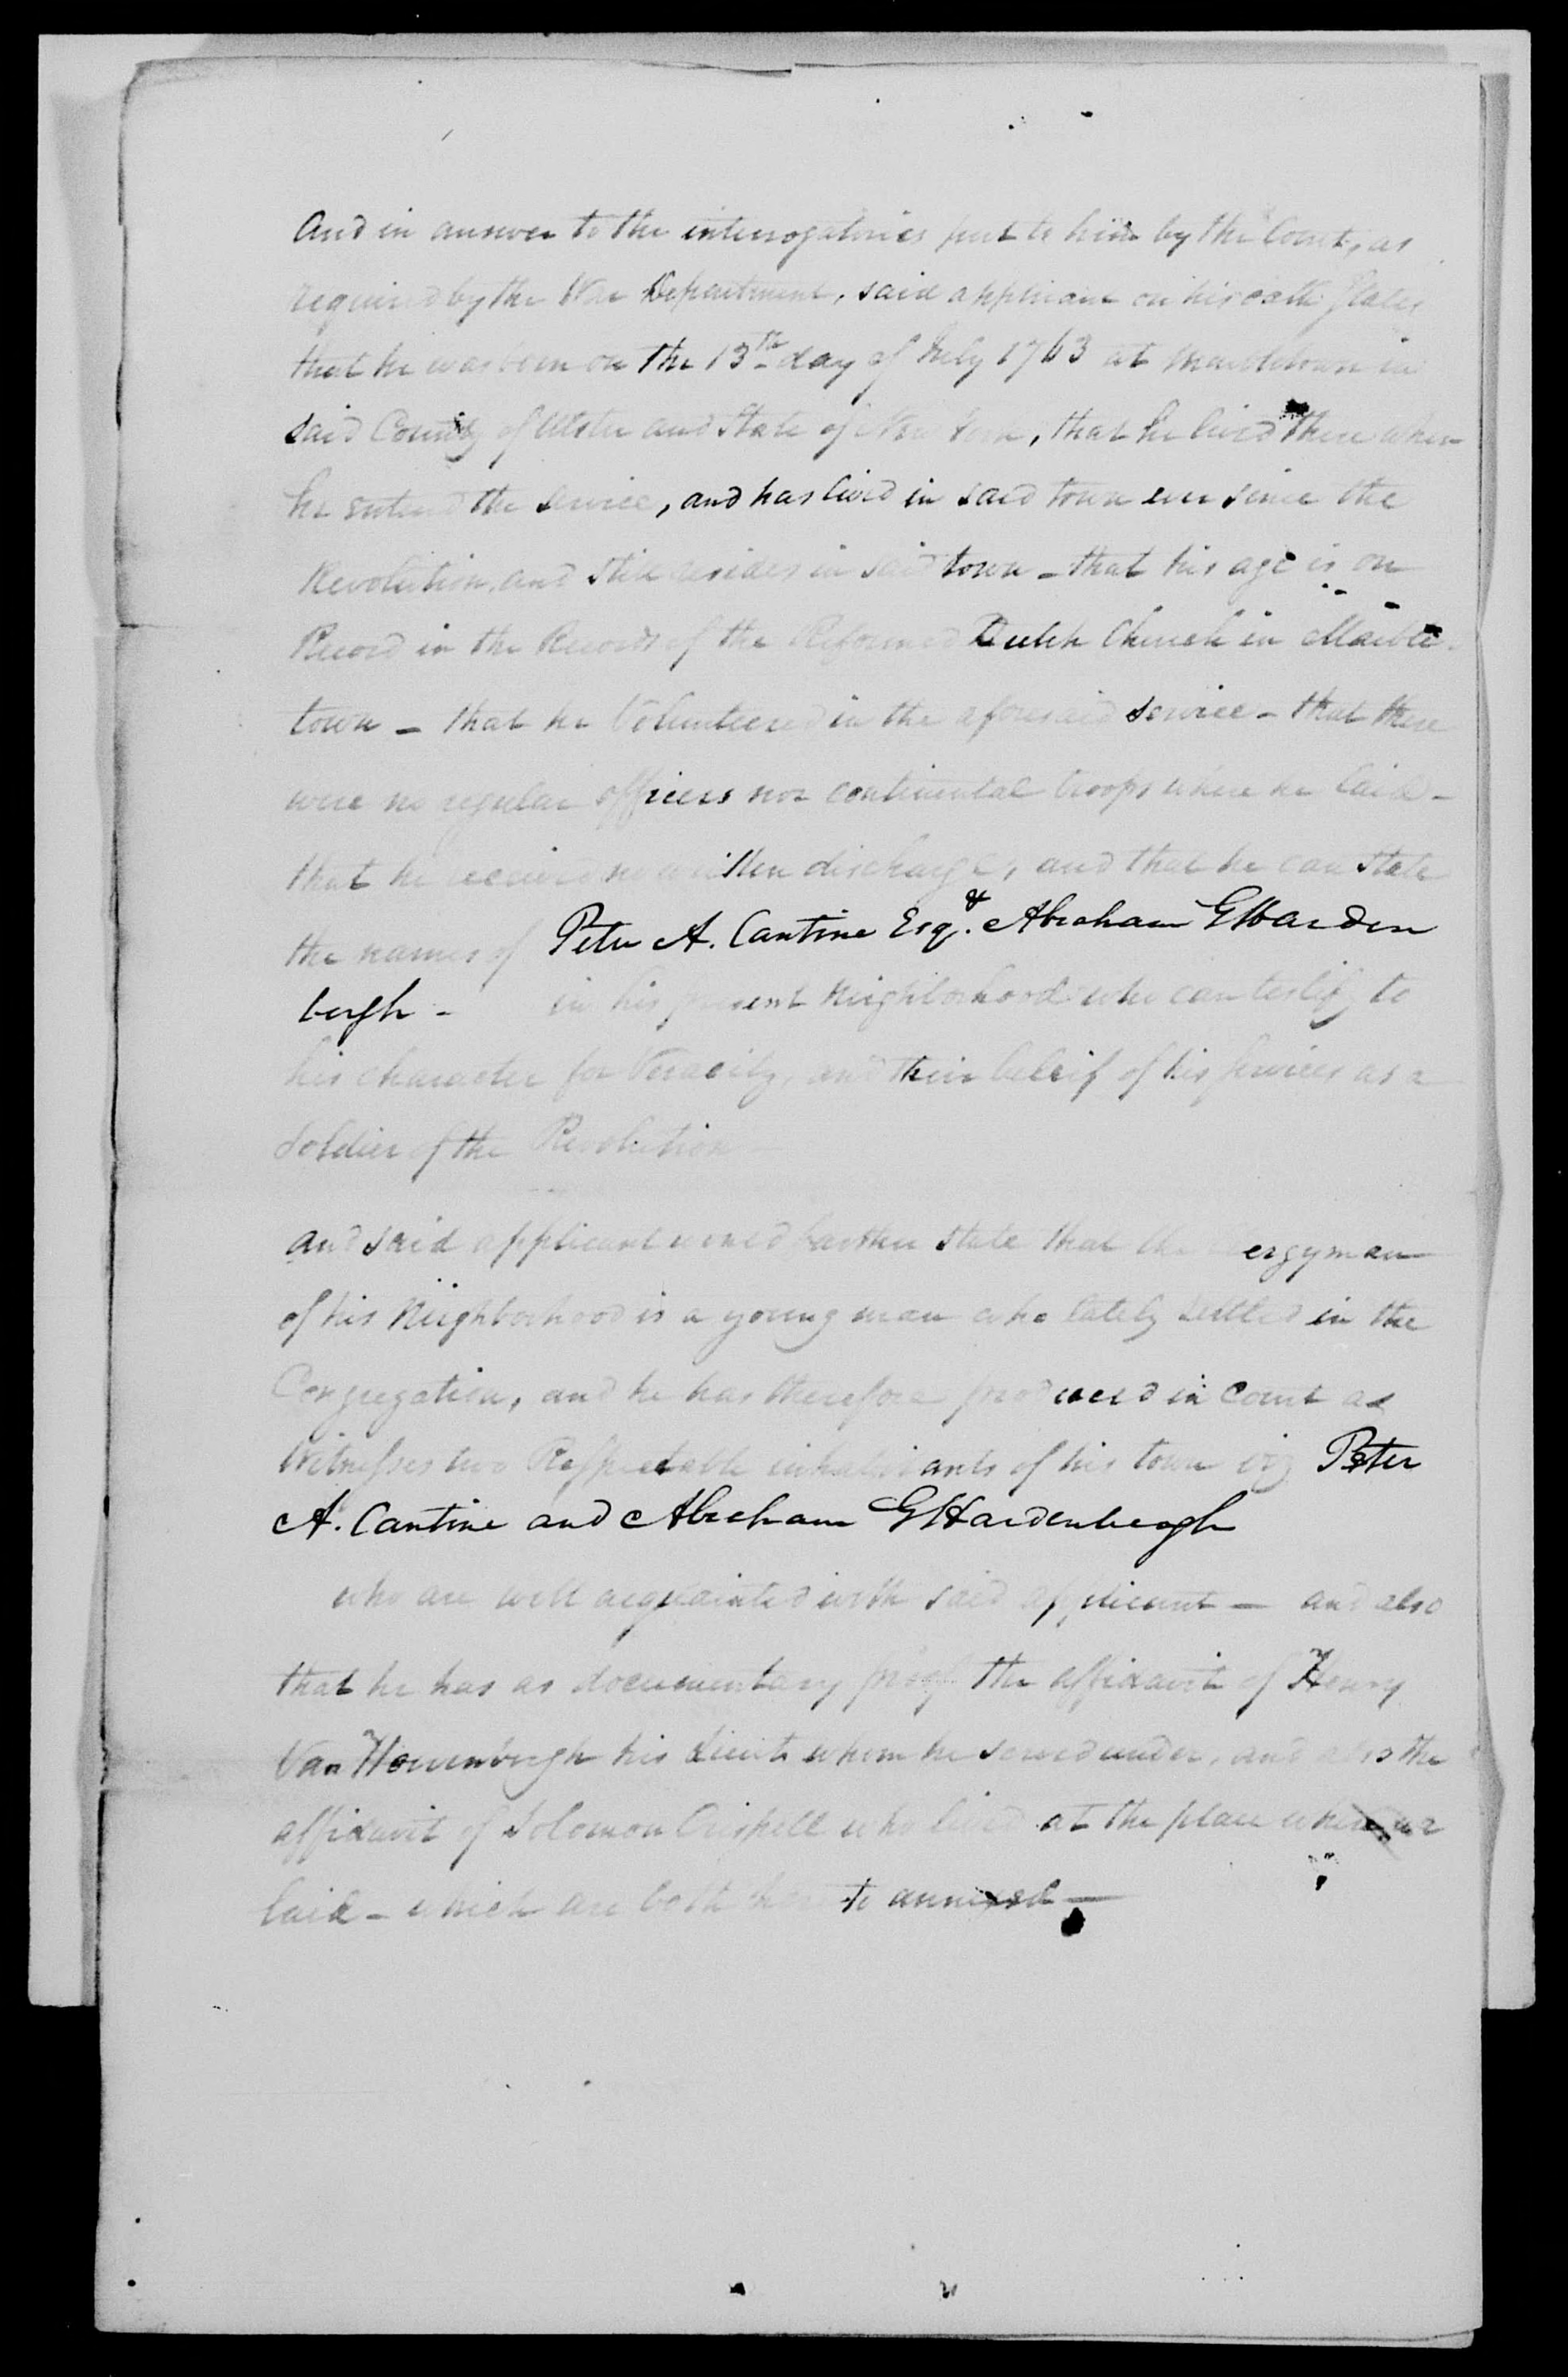and in answer to the interrogatories put to him by the County as required by the War Department, said applicant on his oath states that he was been on the 13th day of July 1763 at Marbletown in said County of Ulster and State of New York, that he lived there when he entered the service, and has lived in said town ever since the Revolution, and still resides in said town, that his age is on Record in the Records of the Reformed Dutch Church in Marbletown, that he volunteered in the aforesaid service. that there were no regular officers nor continental troops where he laid, that he received no written discharge, and that he can state the names of Peter A. Cantine Esqr & Abraham G Hardenbergh in his present neighborhood who can testify to his character for veracity, and their belief of his services as a Soldier of the Revolution.
And said applicant would further state that the clergyman of his neighborhood is a young man who lately settled in the Congregation, and he has therefore produced in Court as Witnesses two Respectable inhabitants of his town of Peter A. Cantine and Abraham G Hardenbergh who are well acquainted with said applicant - and also that he has as documentary proof the affidavit of Henry Van Hoevenbergh his Lieut. whom he served under, and also the affidavit of Solomon Crispell who lived at the place where he laid, which are both hereto annexed-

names: Peter A Cantine, Peter A Cantine, Abraham G Hardenbergh, Henry Van Houenbergh, Abraham G Hardenbergh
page: 9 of 36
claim: widow's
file: W 20995, Gerrit Dubois, New York